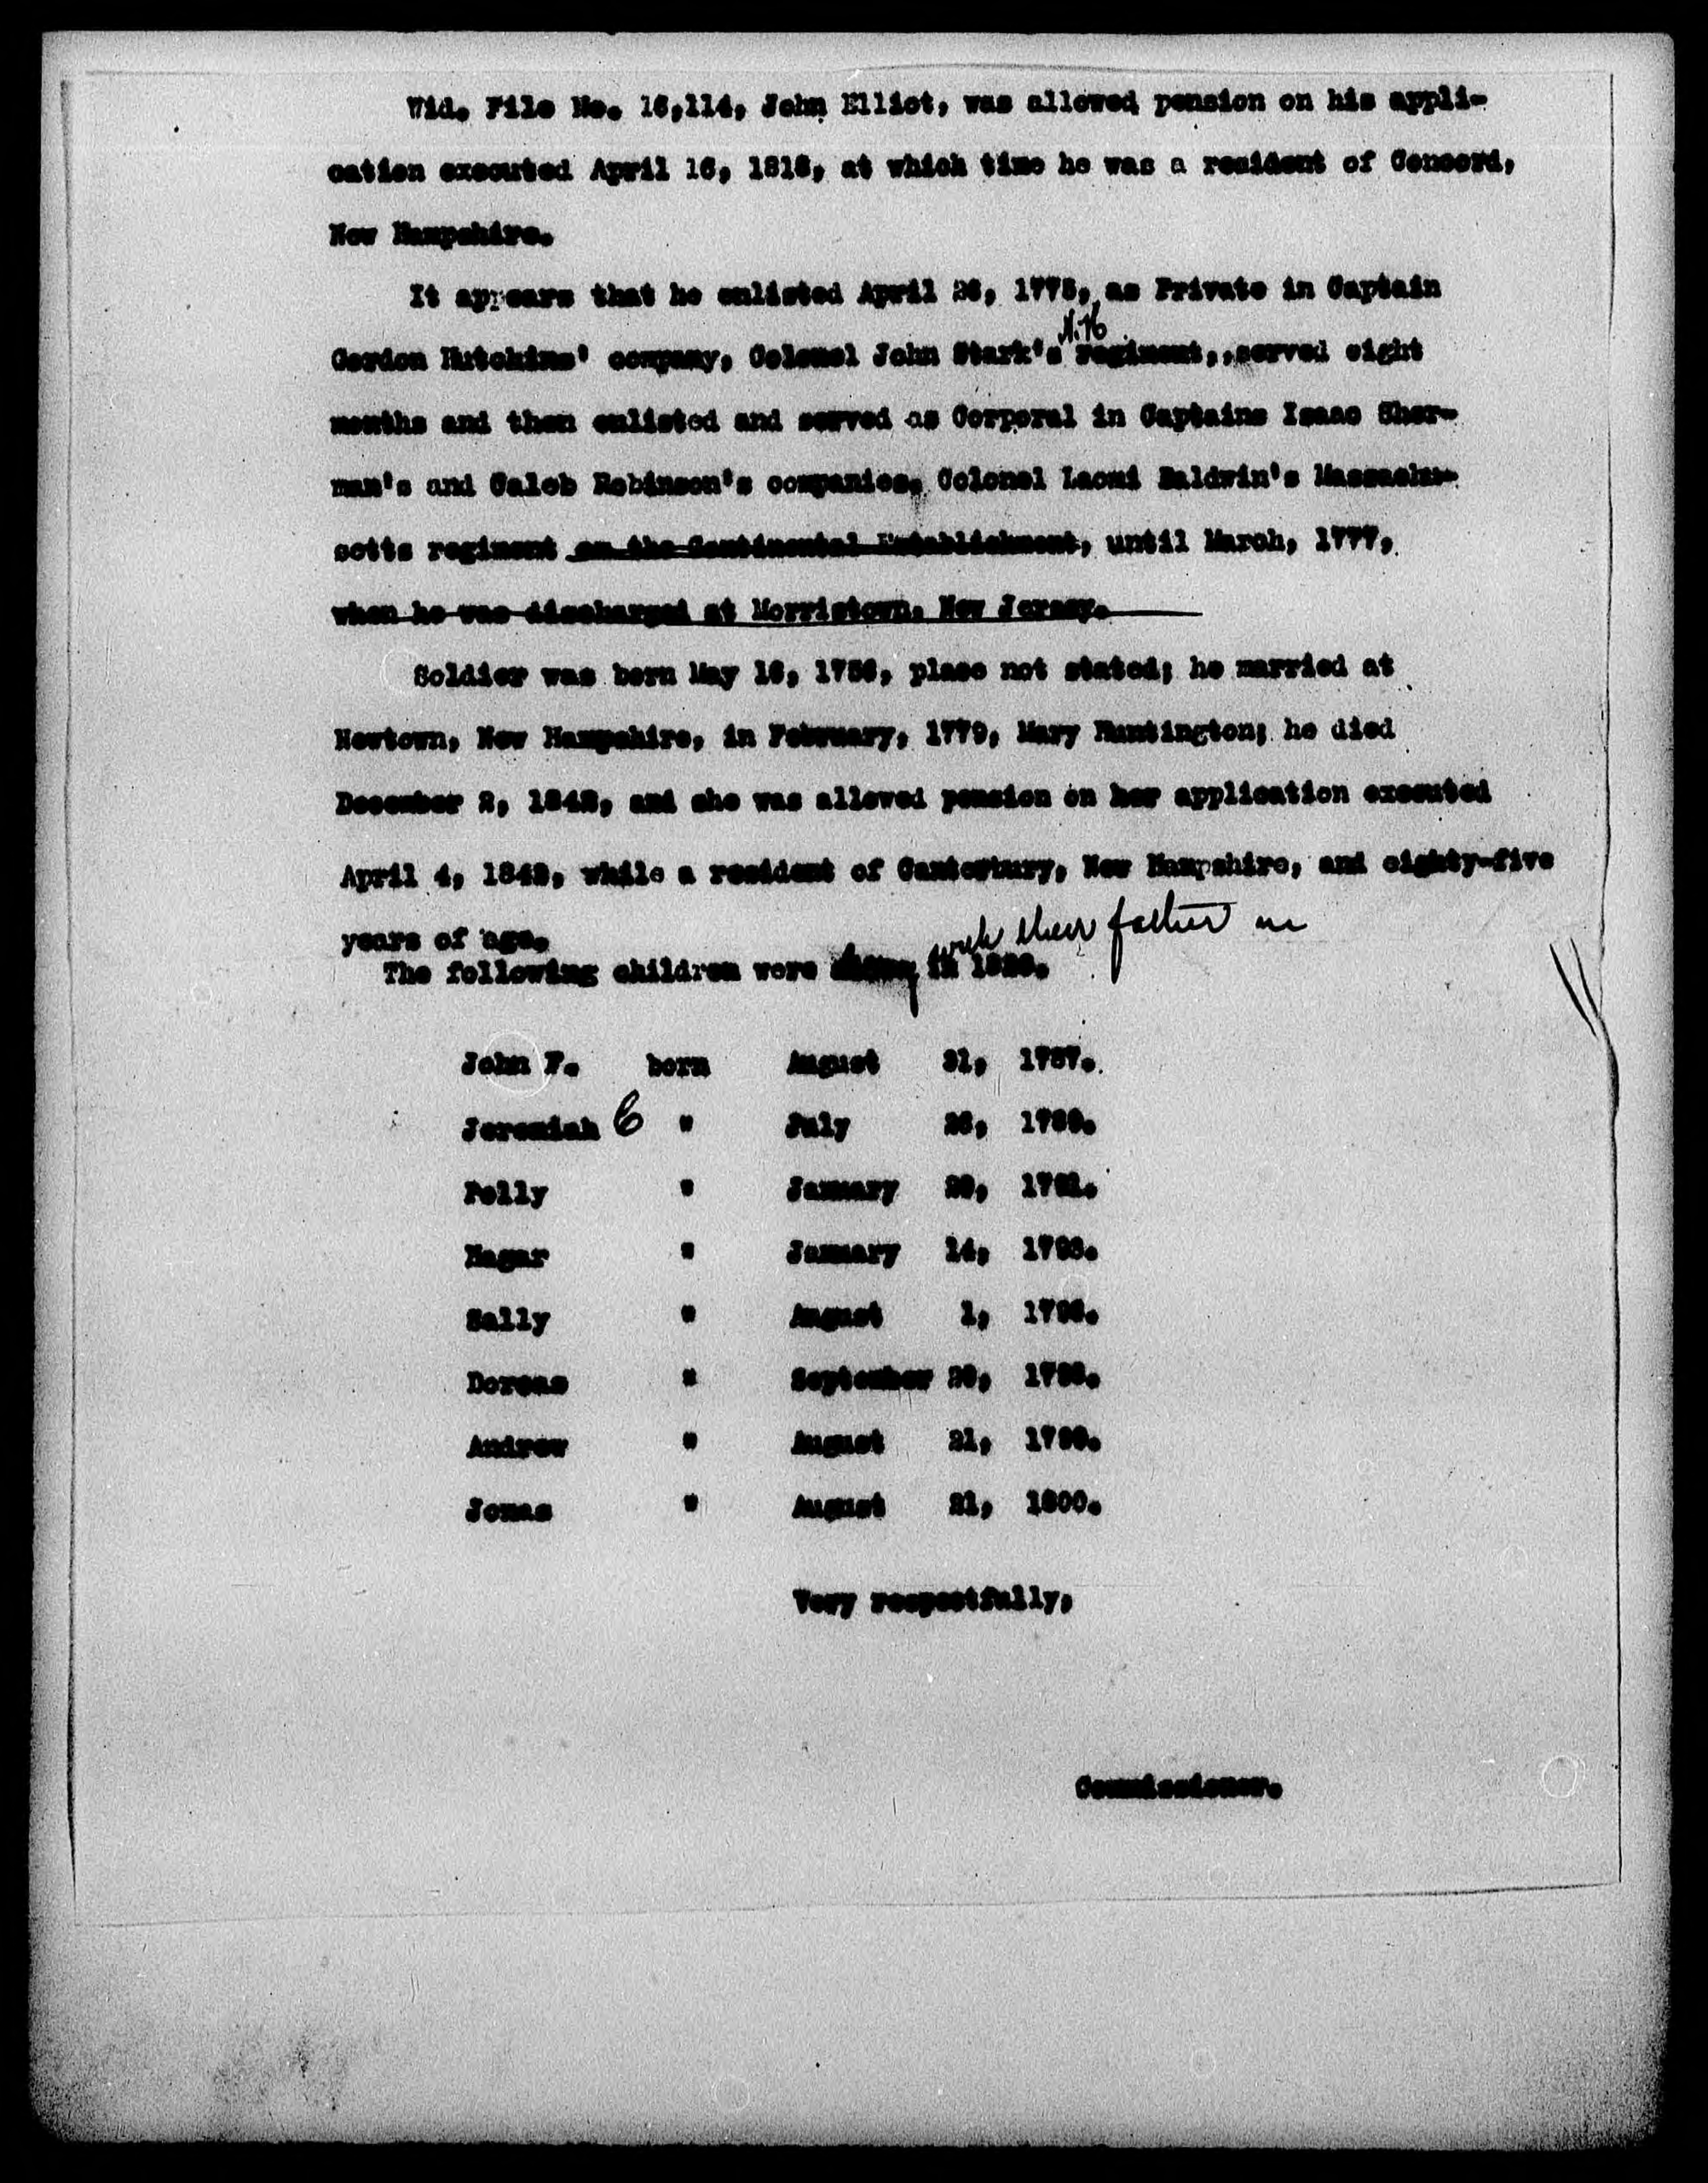wid, File No. 18,114, John Elliot, was allowed pension on his application executed April 16, 1818, at which time he was a resident of Concord, New Hampshire.
It appears that he enlisted April 23, 1775, as private in Captain Gordon Hutchins' Company, Colonel John Stark's N. H. regiment,  served eight
months and then enlisted and served as Corporal in Captains Isaac Sherman's and Caleb Robinson's companies, Colonel Laomi Baldwin's Massachusetts regiment [crossed out on the continental establisment], until March, 1777,
[crossed out when he was discharged at  Morristown New Jersey]. 
Soldier was born May 16, 1756, place not stated, he married at
Newtown, New Hampshire, in February, 1779 Mary Huntington; he died
December 2, 1842, and she was allowed pension on her application executed
April 4, 1843, while a resident of Canterbury, New Hampshire, and eighty-five years of age,
The following children were living with their father in 1820
Polly
John F. born August 21, 1787
Jeremiah " July 26 [illegible 1782]
Relly " January 29, 1702.
Hagar " January 14, 1798
Sally " August 1, 1796
Dorene " September 20, [illegible]
Andrew " August 21, 1799.
Jonas " August 21, 1800.
Very respectfully
Commissioner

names: Andrew, Mary Huntington, Hagar, Dorcas, Jeremiah C, John F, Jonas, Sally, Polly, John Elliot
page: 19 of 57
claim: widow's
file: W. 16,114, John Elliot, Continental (Mass) N.H.